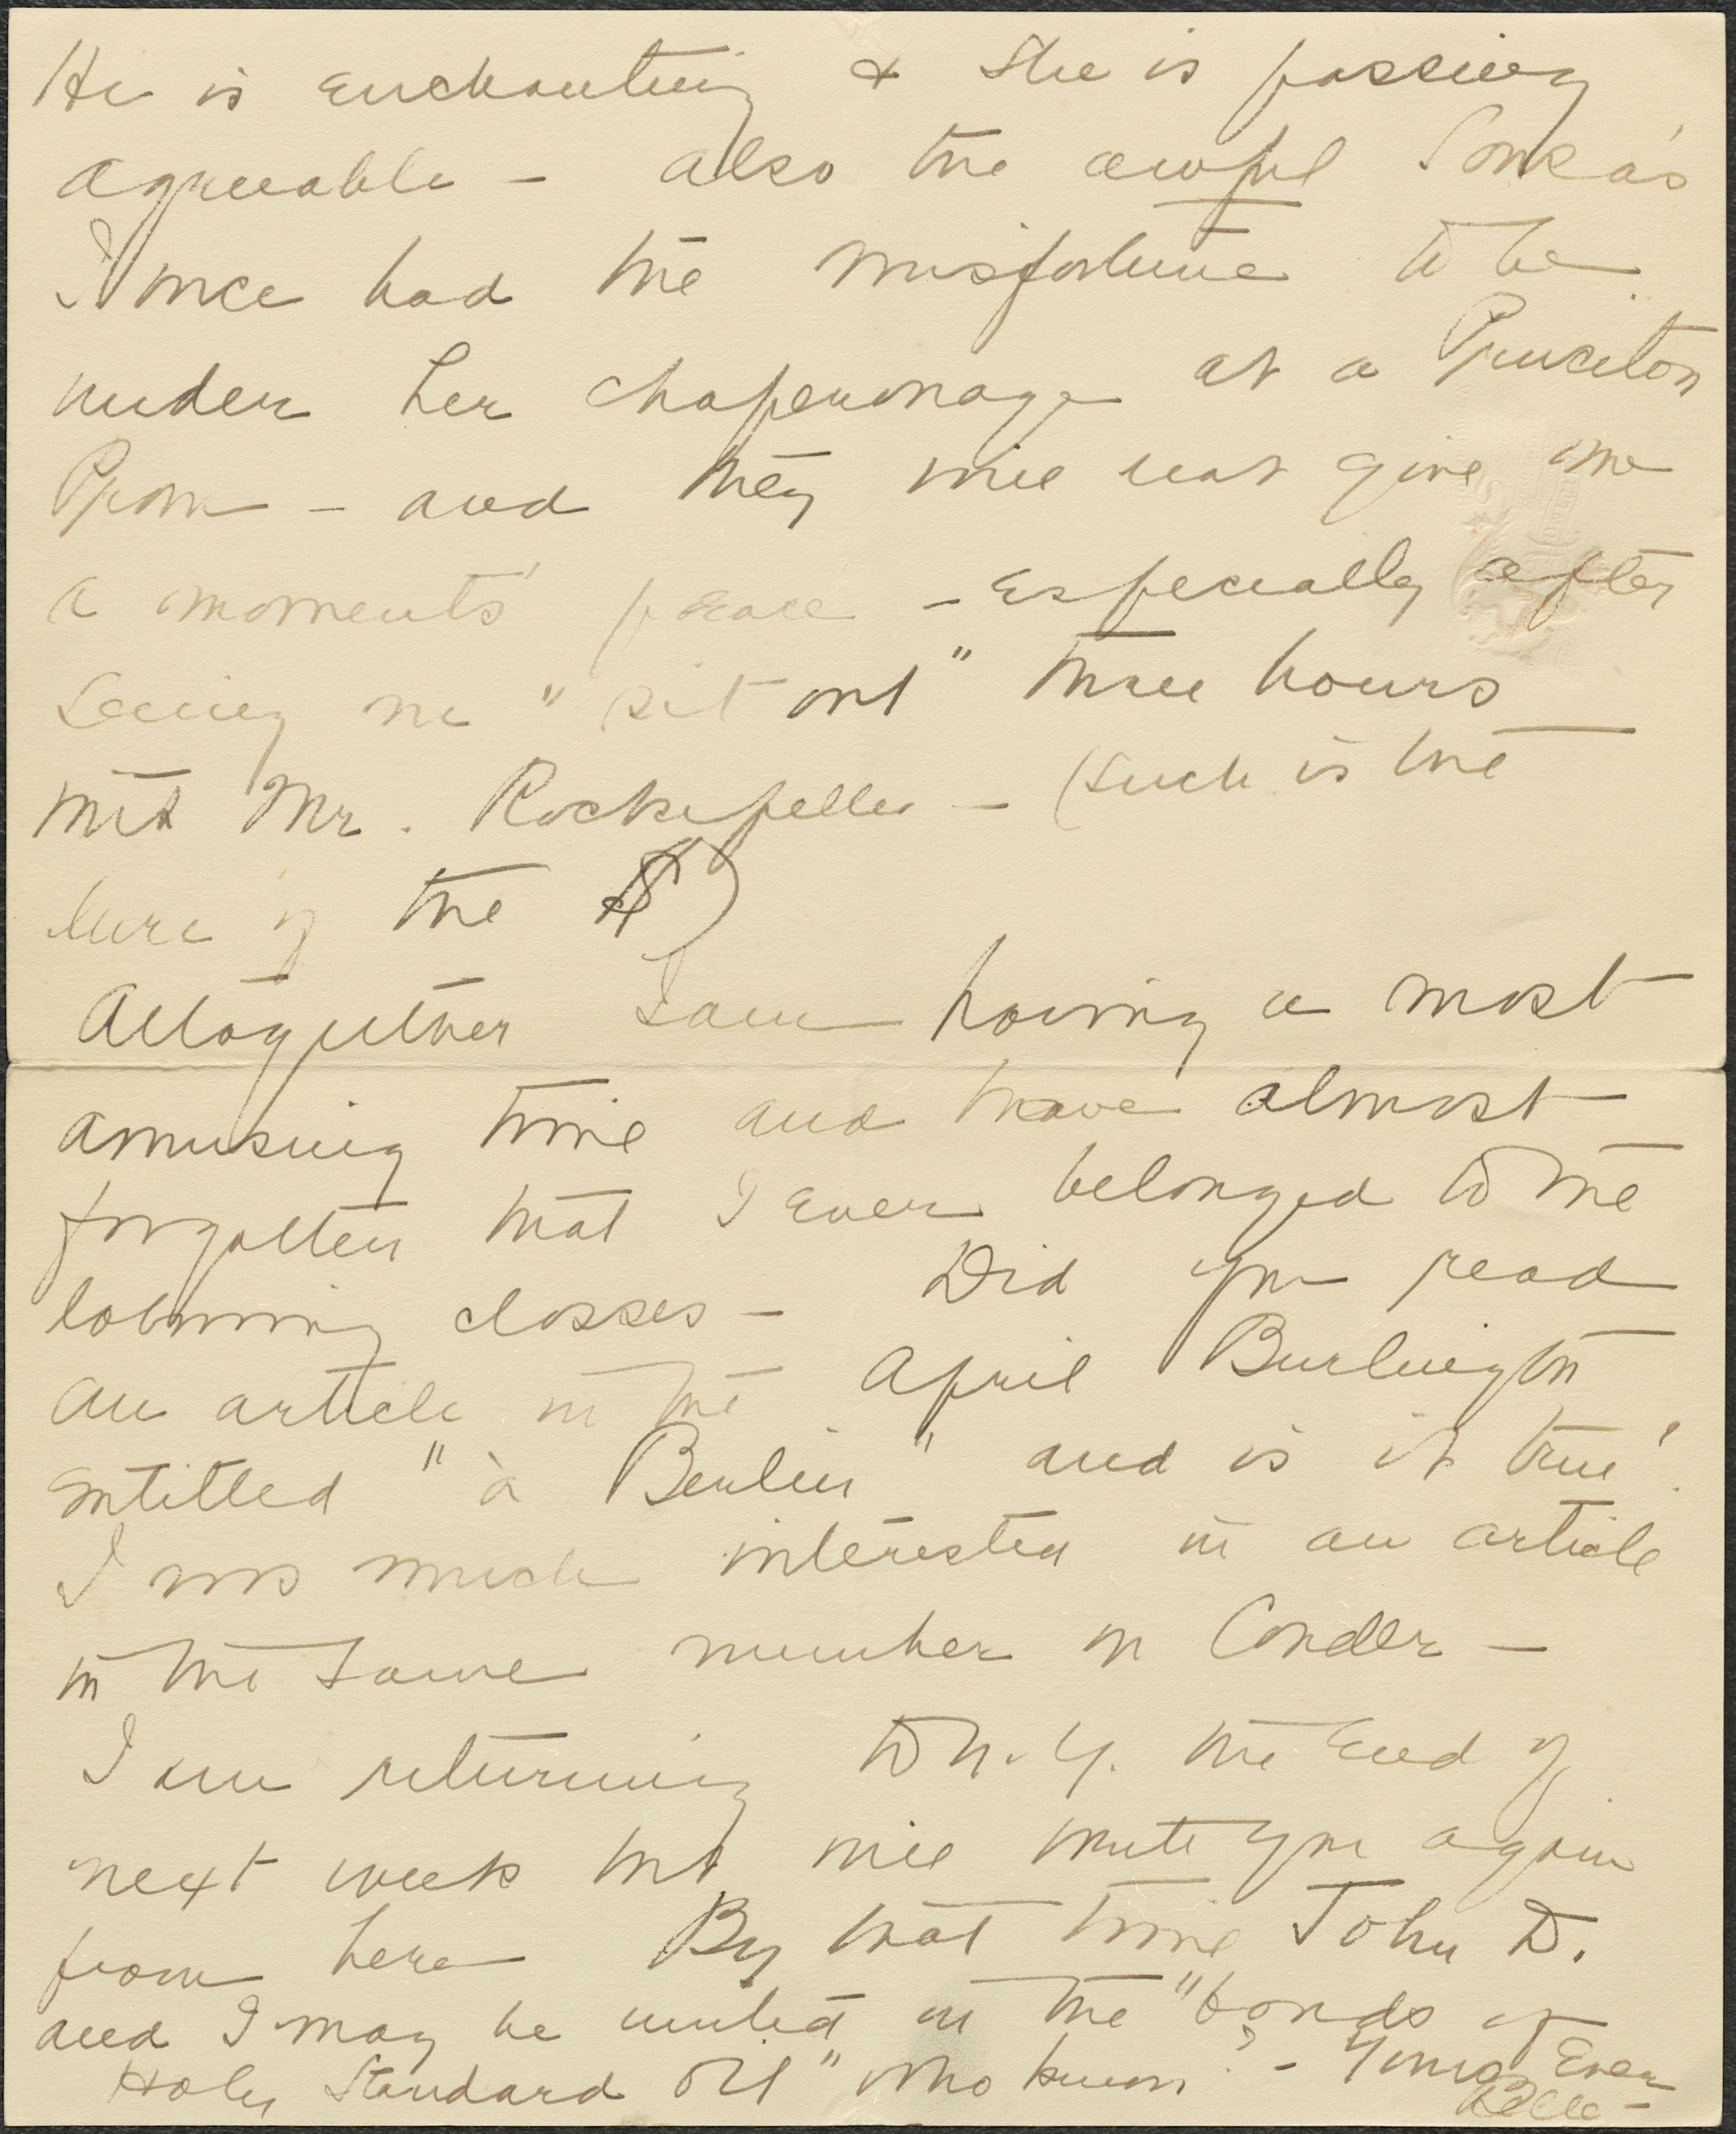He is enchanting & she is passing agreeable – also the awful Sousa’s I once had the misfortune to be under her chaperonage at a Princeton Prom – and they will not give me a moments peace – especially after seeing me “sit out” three hours with Mr. Rockefeller – (such is the lure of the $)
Altogether I am having a most amusing time and have almost forgotten that I ever belonged to the laboring classes – Did you read an article in the April Burlington entitled “à Berlin” and is it true? I was much interested in an article in the same number on Conder – I am returning to N. Y. the end of next week but will write you again from here By that time John D. and I may be united in the “bonds of Holy Standard Oil” who knows? – Yours Ever
Belle –